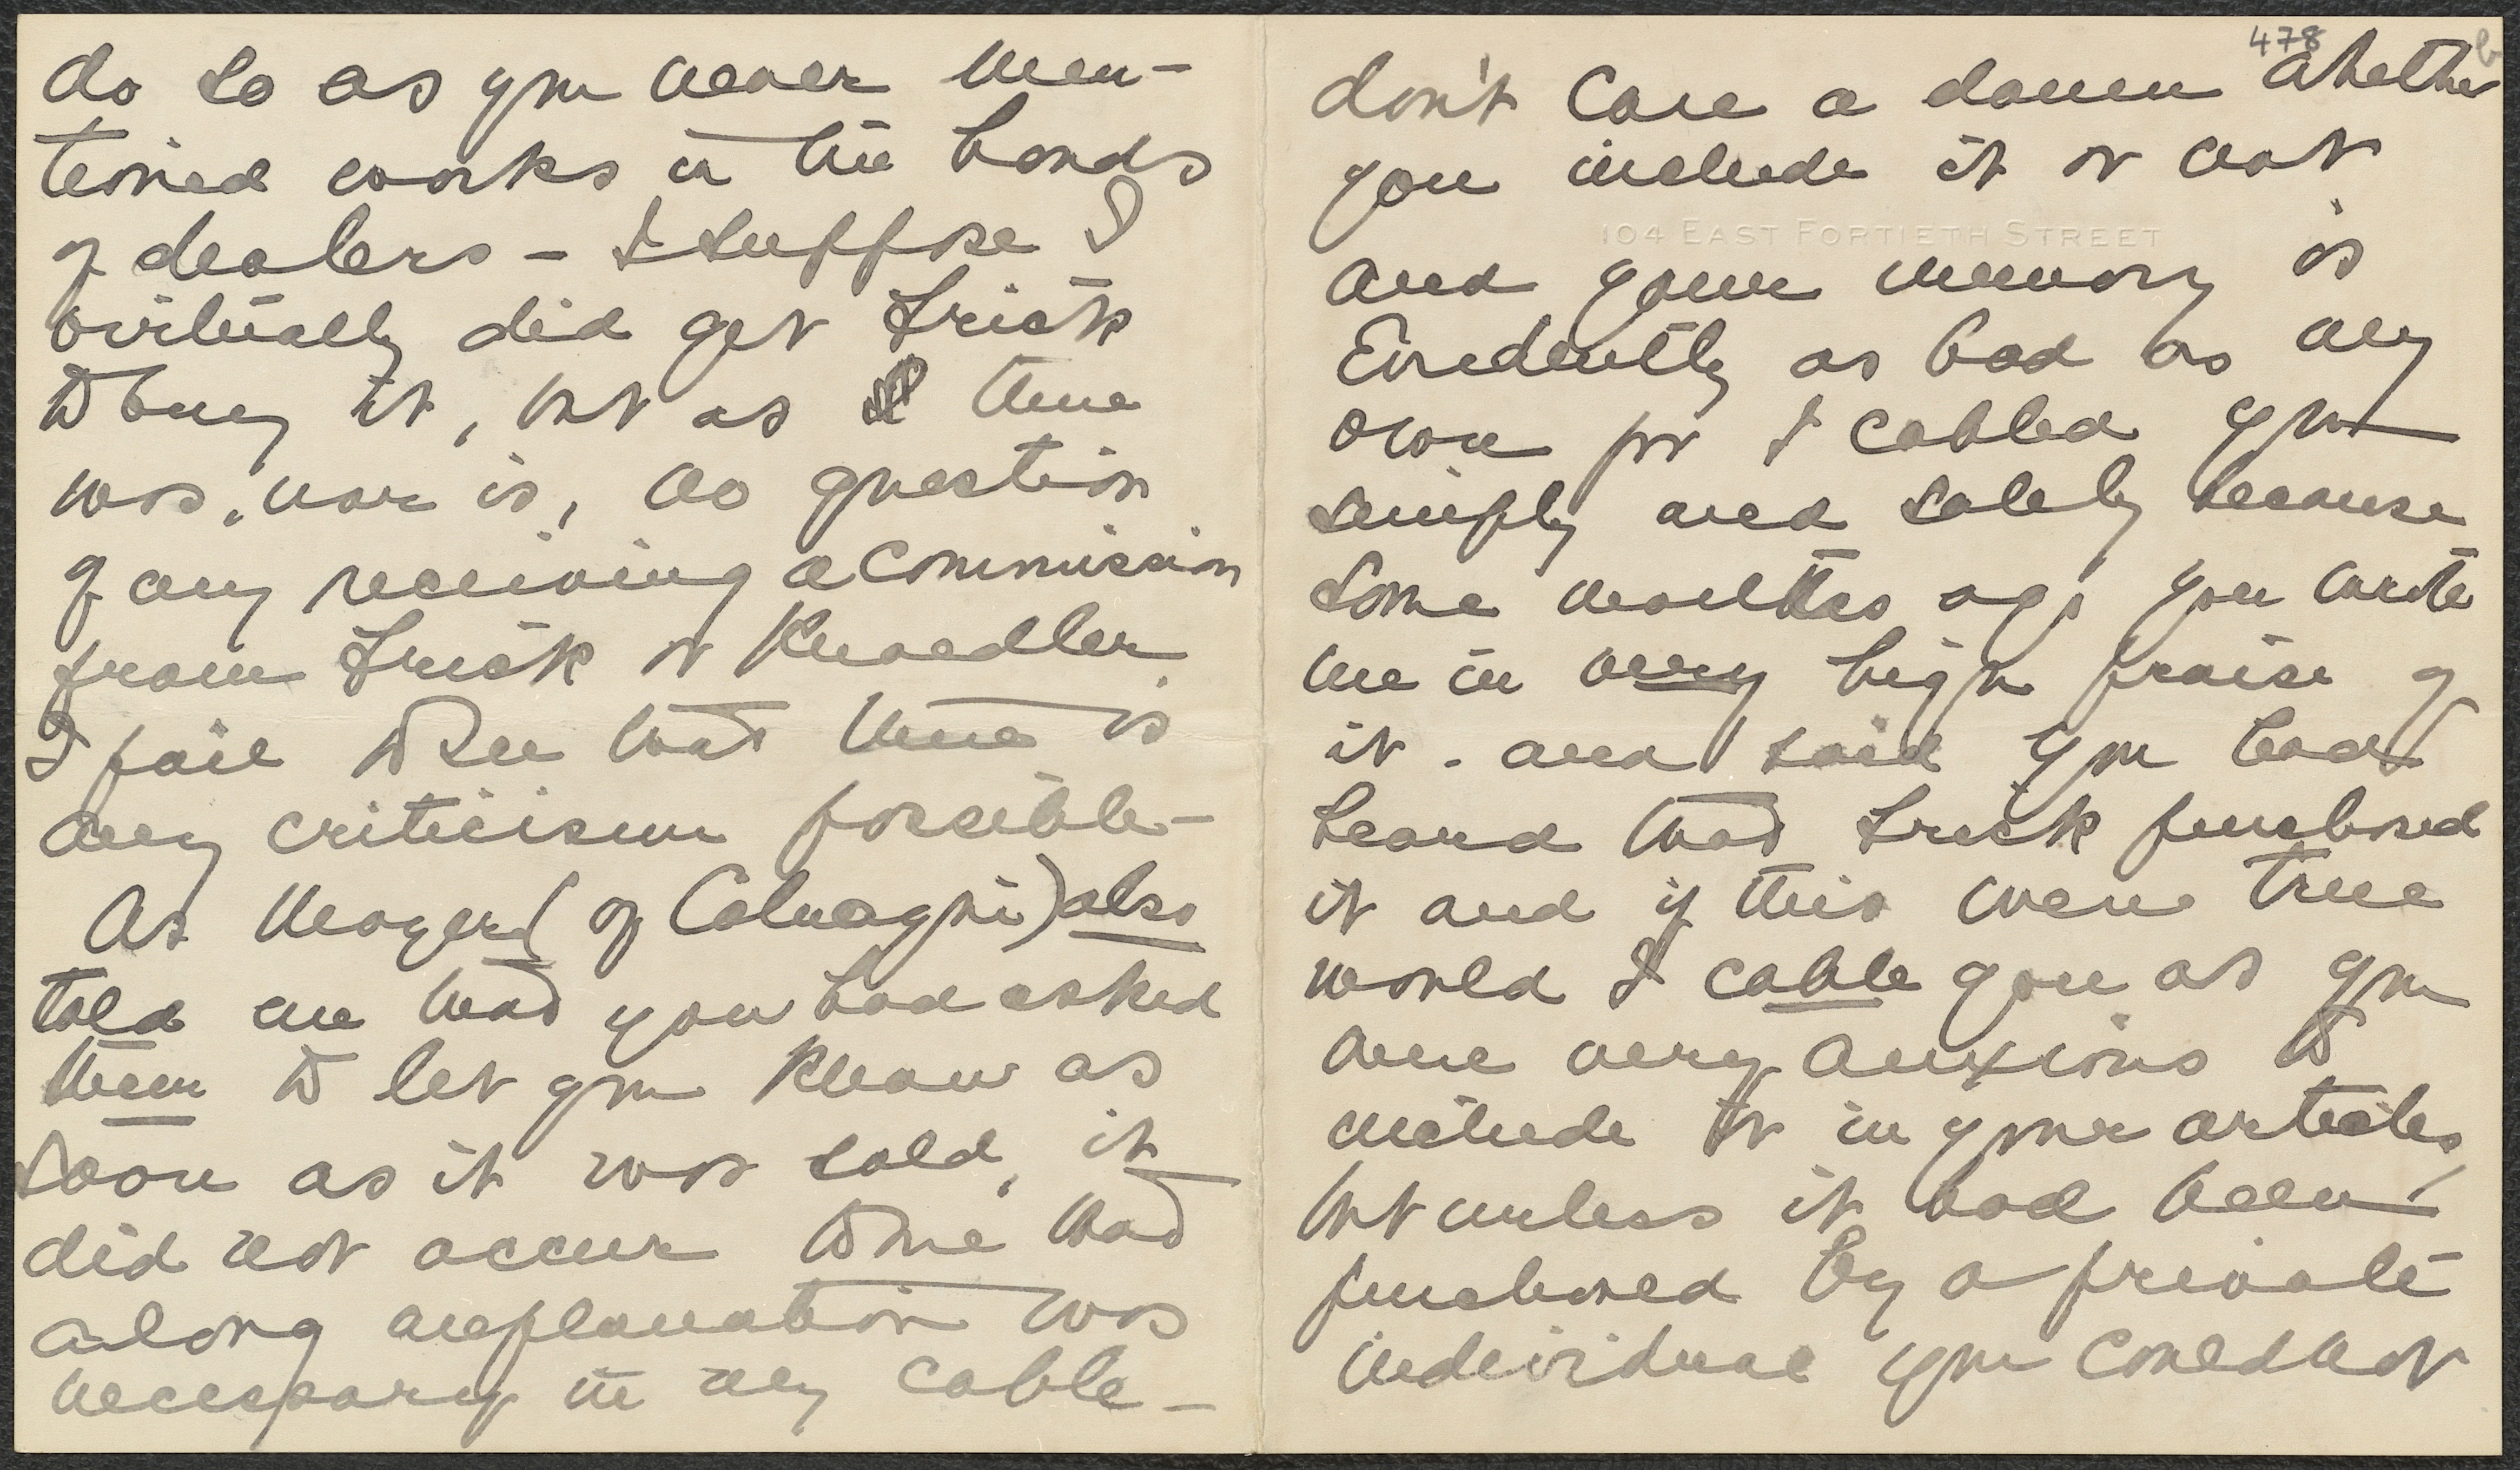don’t care a damn whether you include it or not and your memory is evidently as bad as my own for I cabled you simply and solely because some months ago you wrote me in very high praise of it – and since you had heard that Frick purchased it and if this were true would I cable you as you were very anxious to include it in you articles, but unless it had been purchased by a private individual you could not
do so as you never mentioned works in the hands of dealers – I suppose I virtually did get Frick to buy it, but as I there was, nor is, no question of my receiving a commission from Frick or Knoedler I fail to see that there is any criticism possible – As Mayer (of Calnoghi) also told me that you had asked them to let you know as soon as it was sold, it did not occur to me that a long explanation was necessary in my cable –